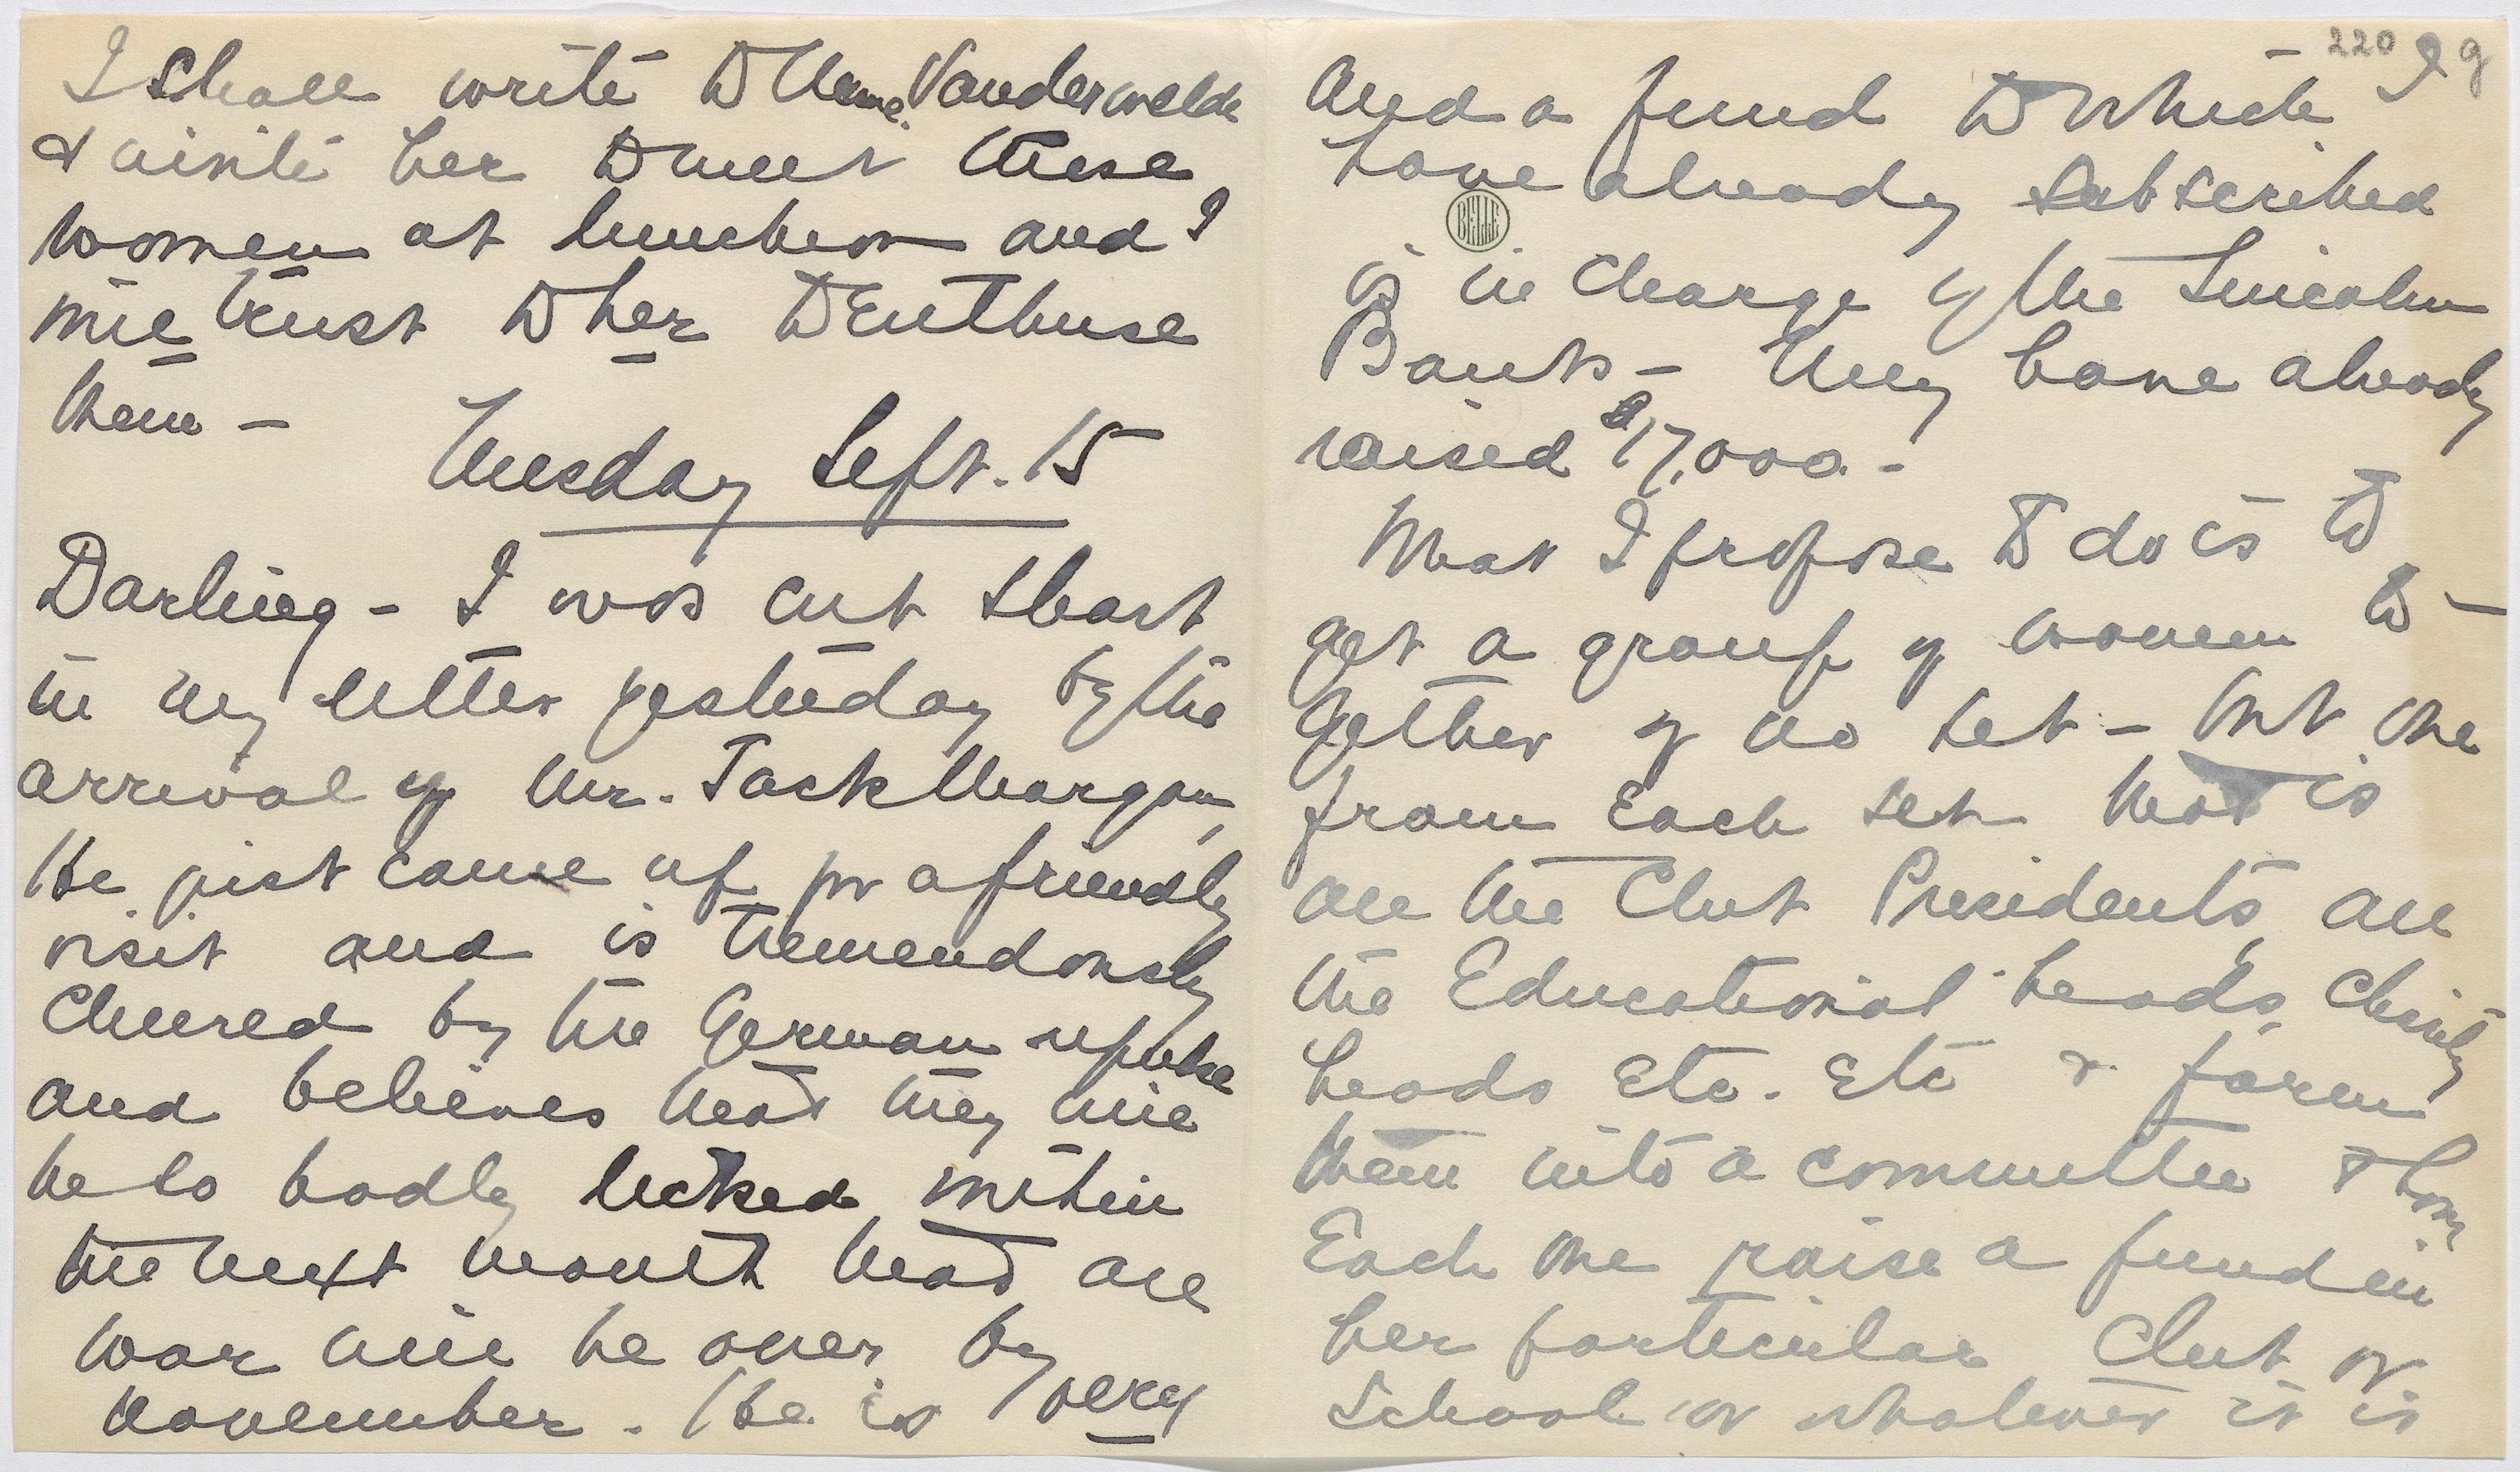and a fund to which I have already subscribed is in charge of the Lincoln Bank – they have already raised $17,000. –
What I propose to do is to get a group of women together of no set – but one from each set – that is all the Club Presidents, all the Educational heads, charity heads etc. etc. & form them into a committee & have each one raise a fund in her particular club or school or whatever it is
I shall write to Mme. Vanderwelde & write her to meet these women at luncheon and I will trust to her to enthuse them –
Tuesday Sept. 15
Darling – I was cut short in my letter yesterday by the arrival of Mr. Jack Morgan. He just came up for a friendly visit and is tremendously cheered by the German rebuke and believes that they will be so badly licked within the next month that all war will be over by November – He is very